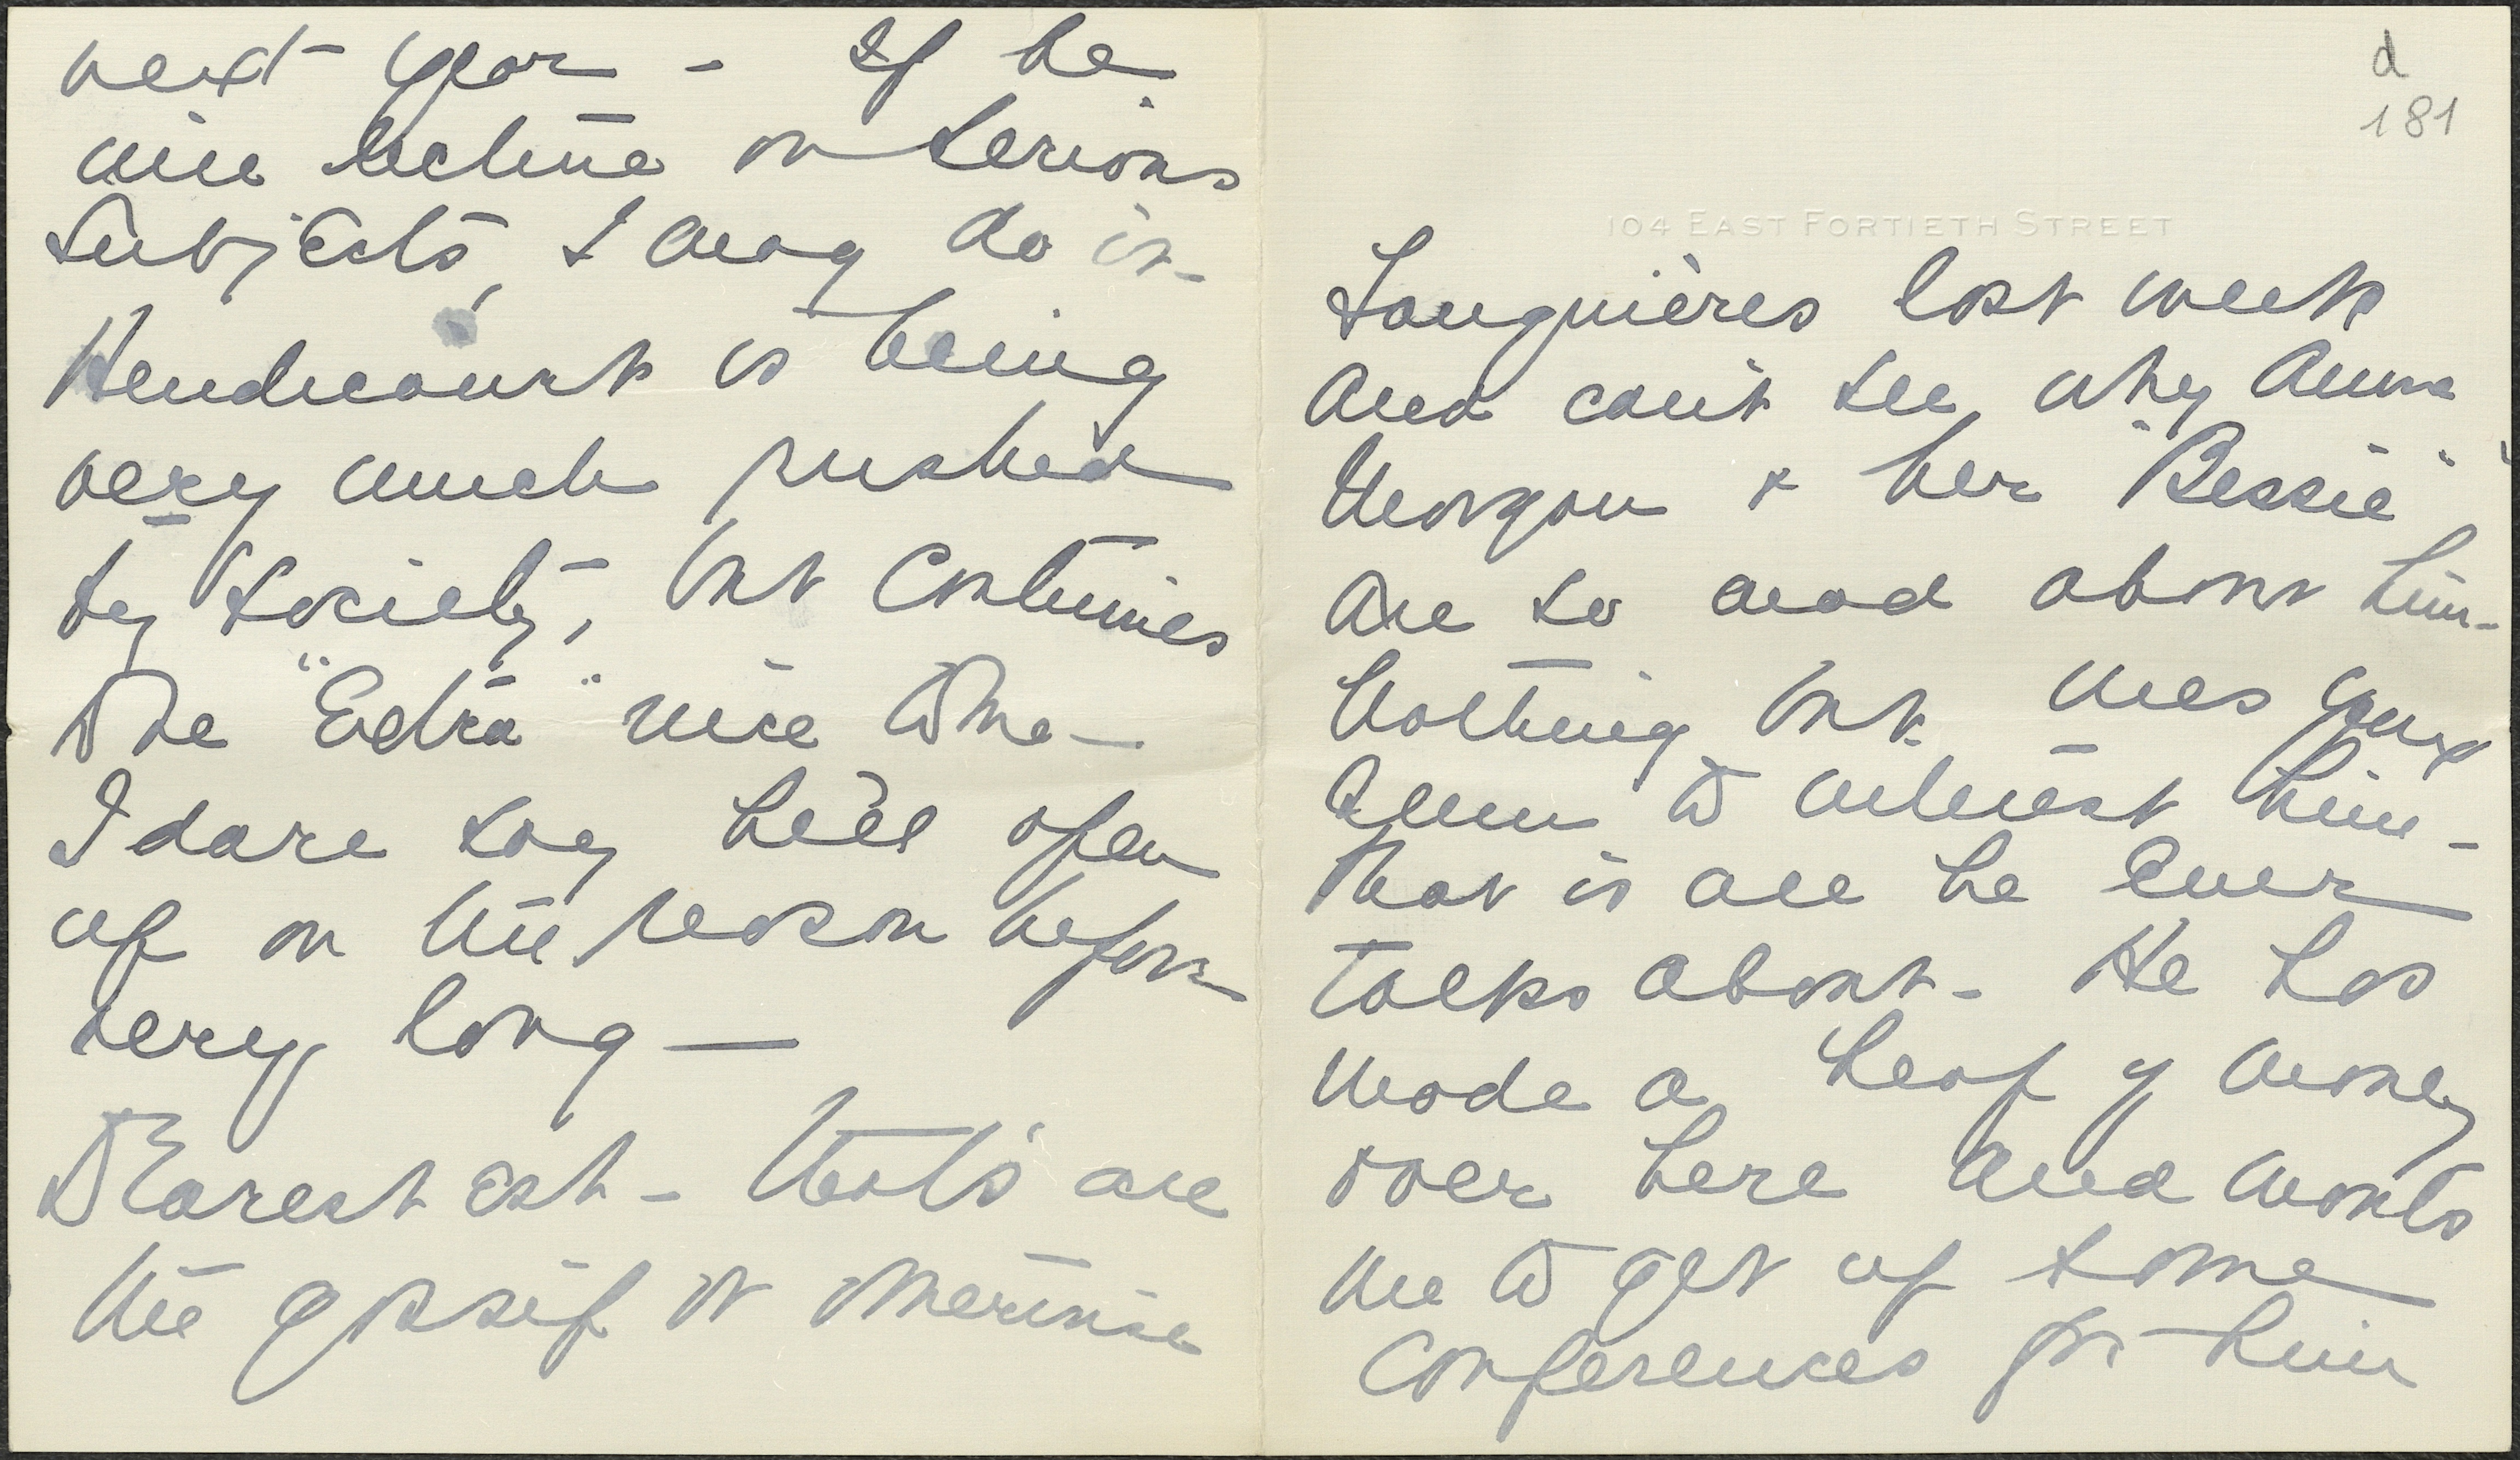Fouquières last week and can’t see why Anne Morgan & her “Bessie” are so mad about him – nothing but mes yeux seem to interest him – that is all he ever talks about – He has made a heap of money over here and wants me to get up some conferences for him
next year – If he will lecture on serious subjects, I may do it – Hendicourt is being very much rushed by society, but continues to be “extra” nice to me – I dare say he’ll open up on the reason before very long –
Dearestest – that’s all the gossip or otherwise